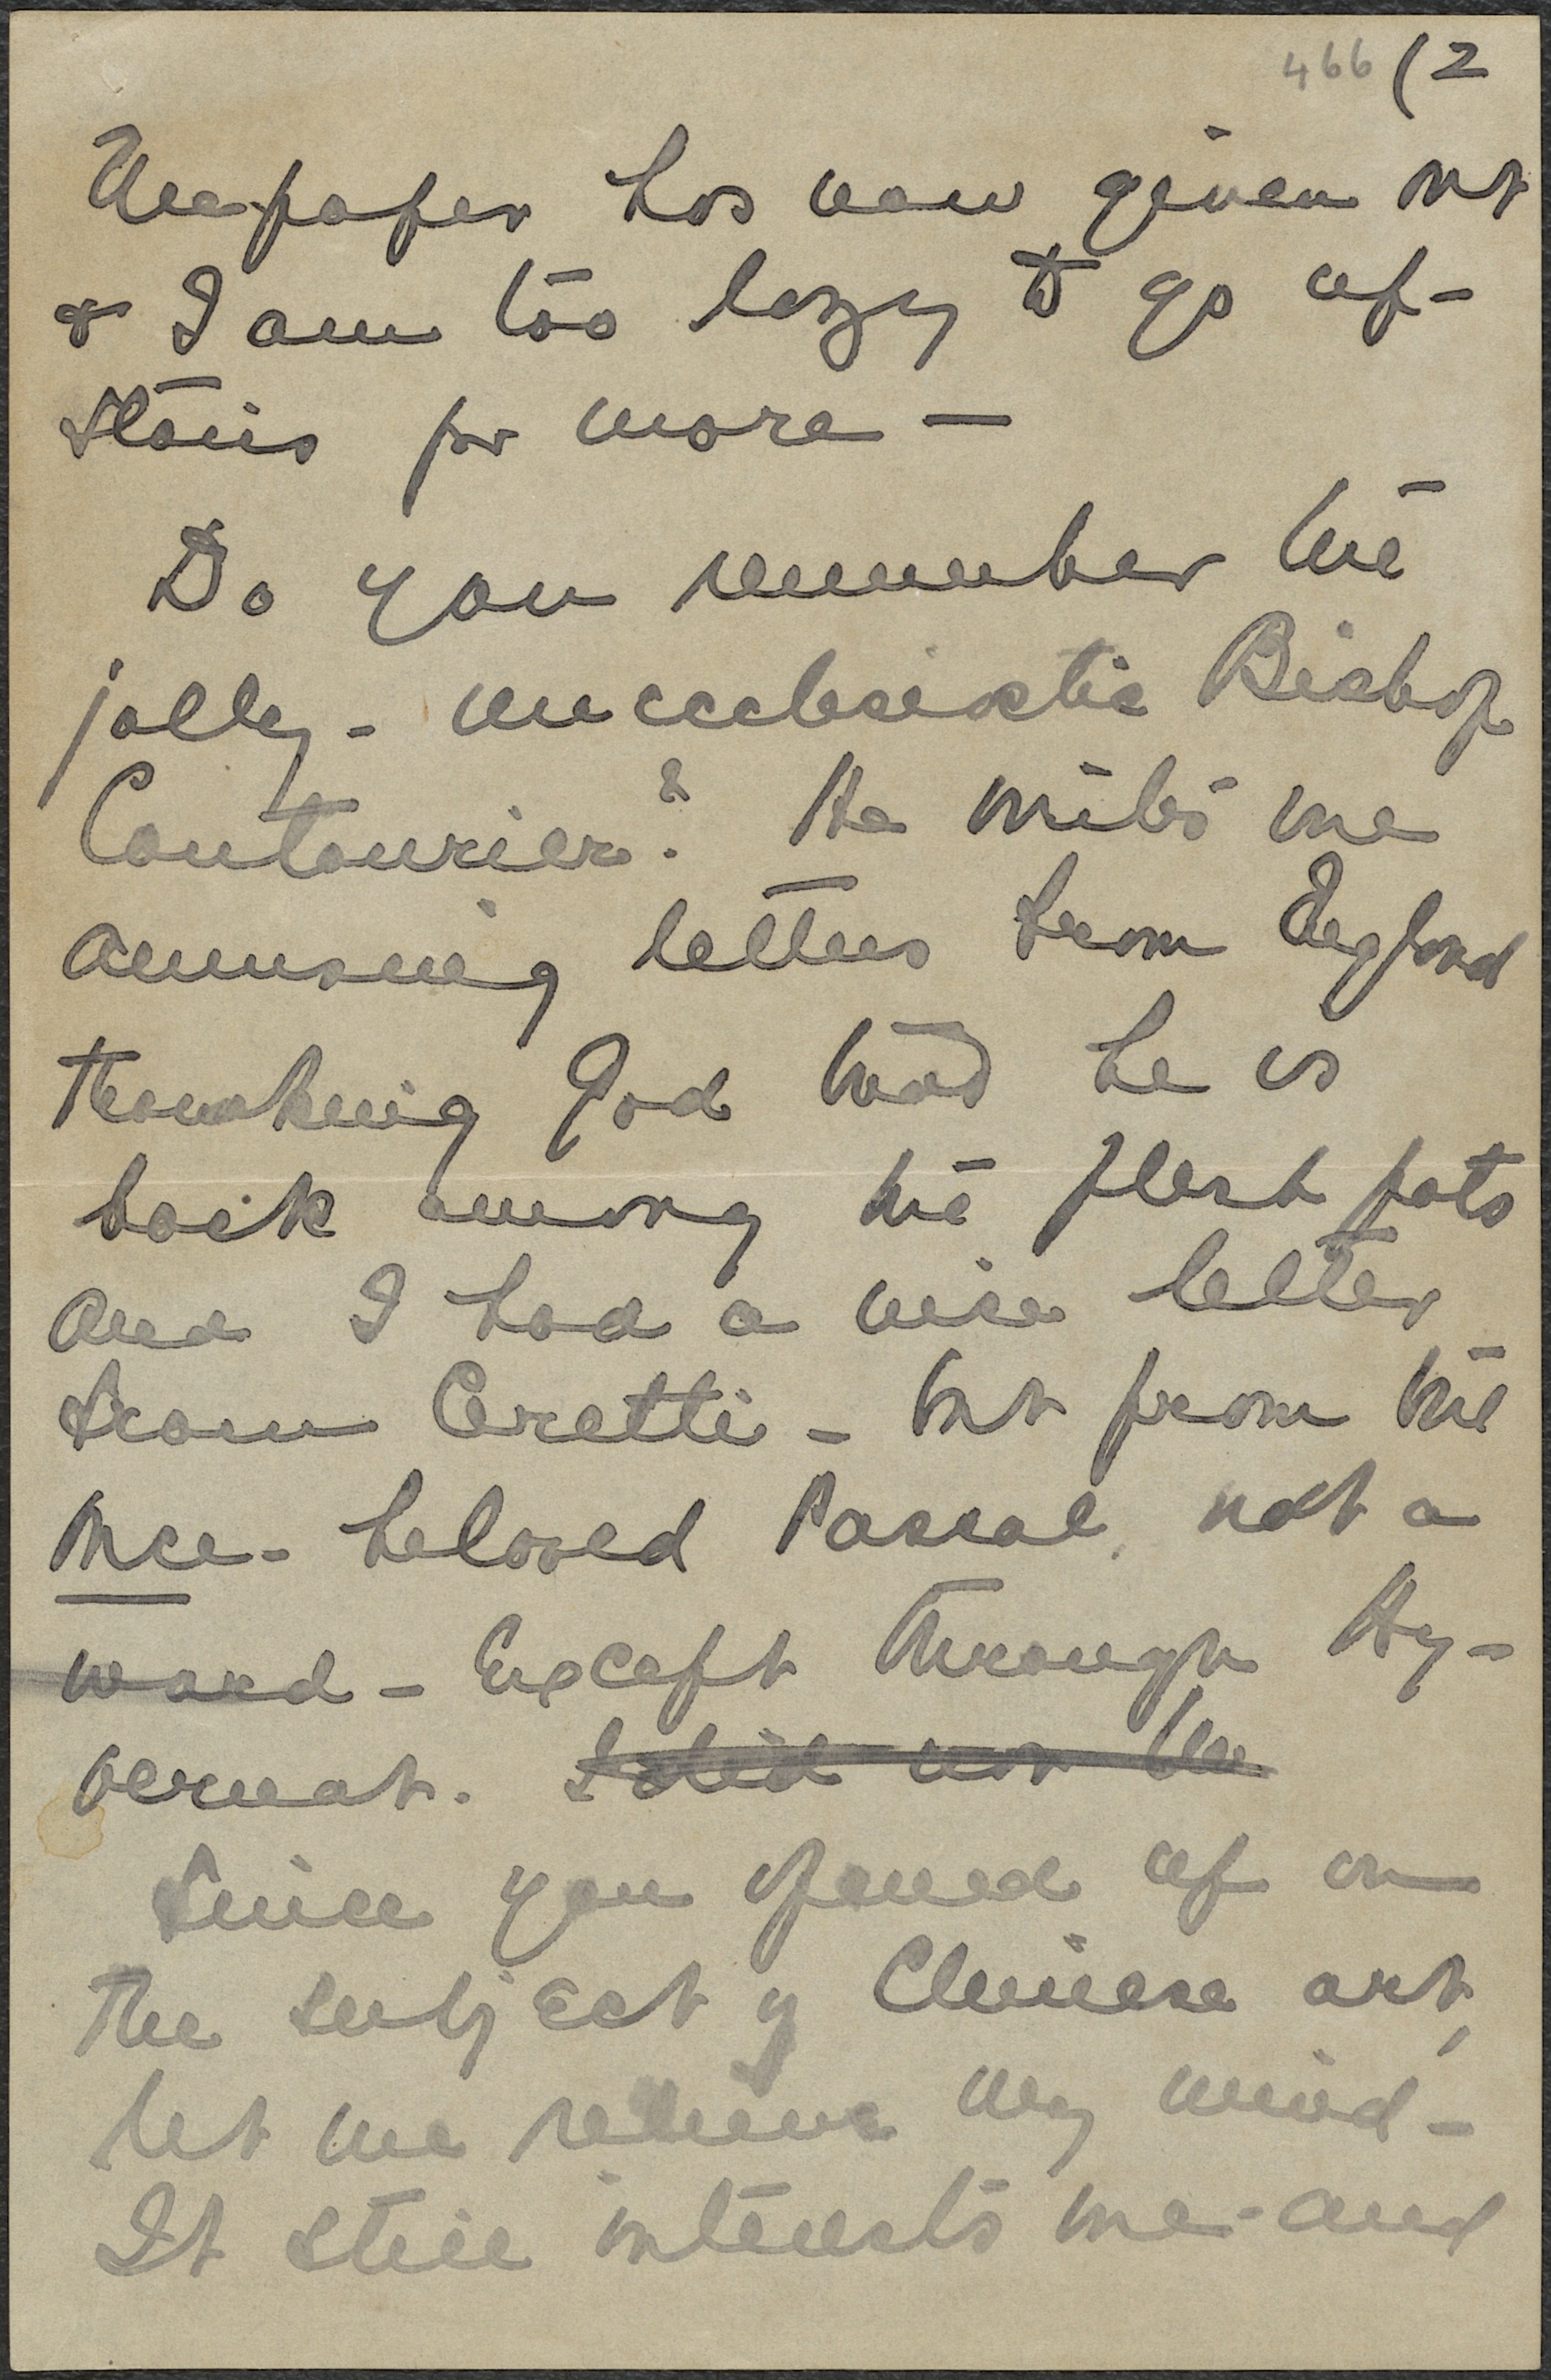The paper has now given out & I am too lazy to go upstairs for more –
Do you remember the jolly-unecclesiastic Bishop Coutourier? He writes me amusing letters from England thanking God that he is back among the flesh pots and I had a nice letter from Ceretti – but from the once-beloved Passal not a word – except through Hyvernat. I did not th
Since you opened up on the subject of Chinese art, let me relieve my mind – It still interests me and